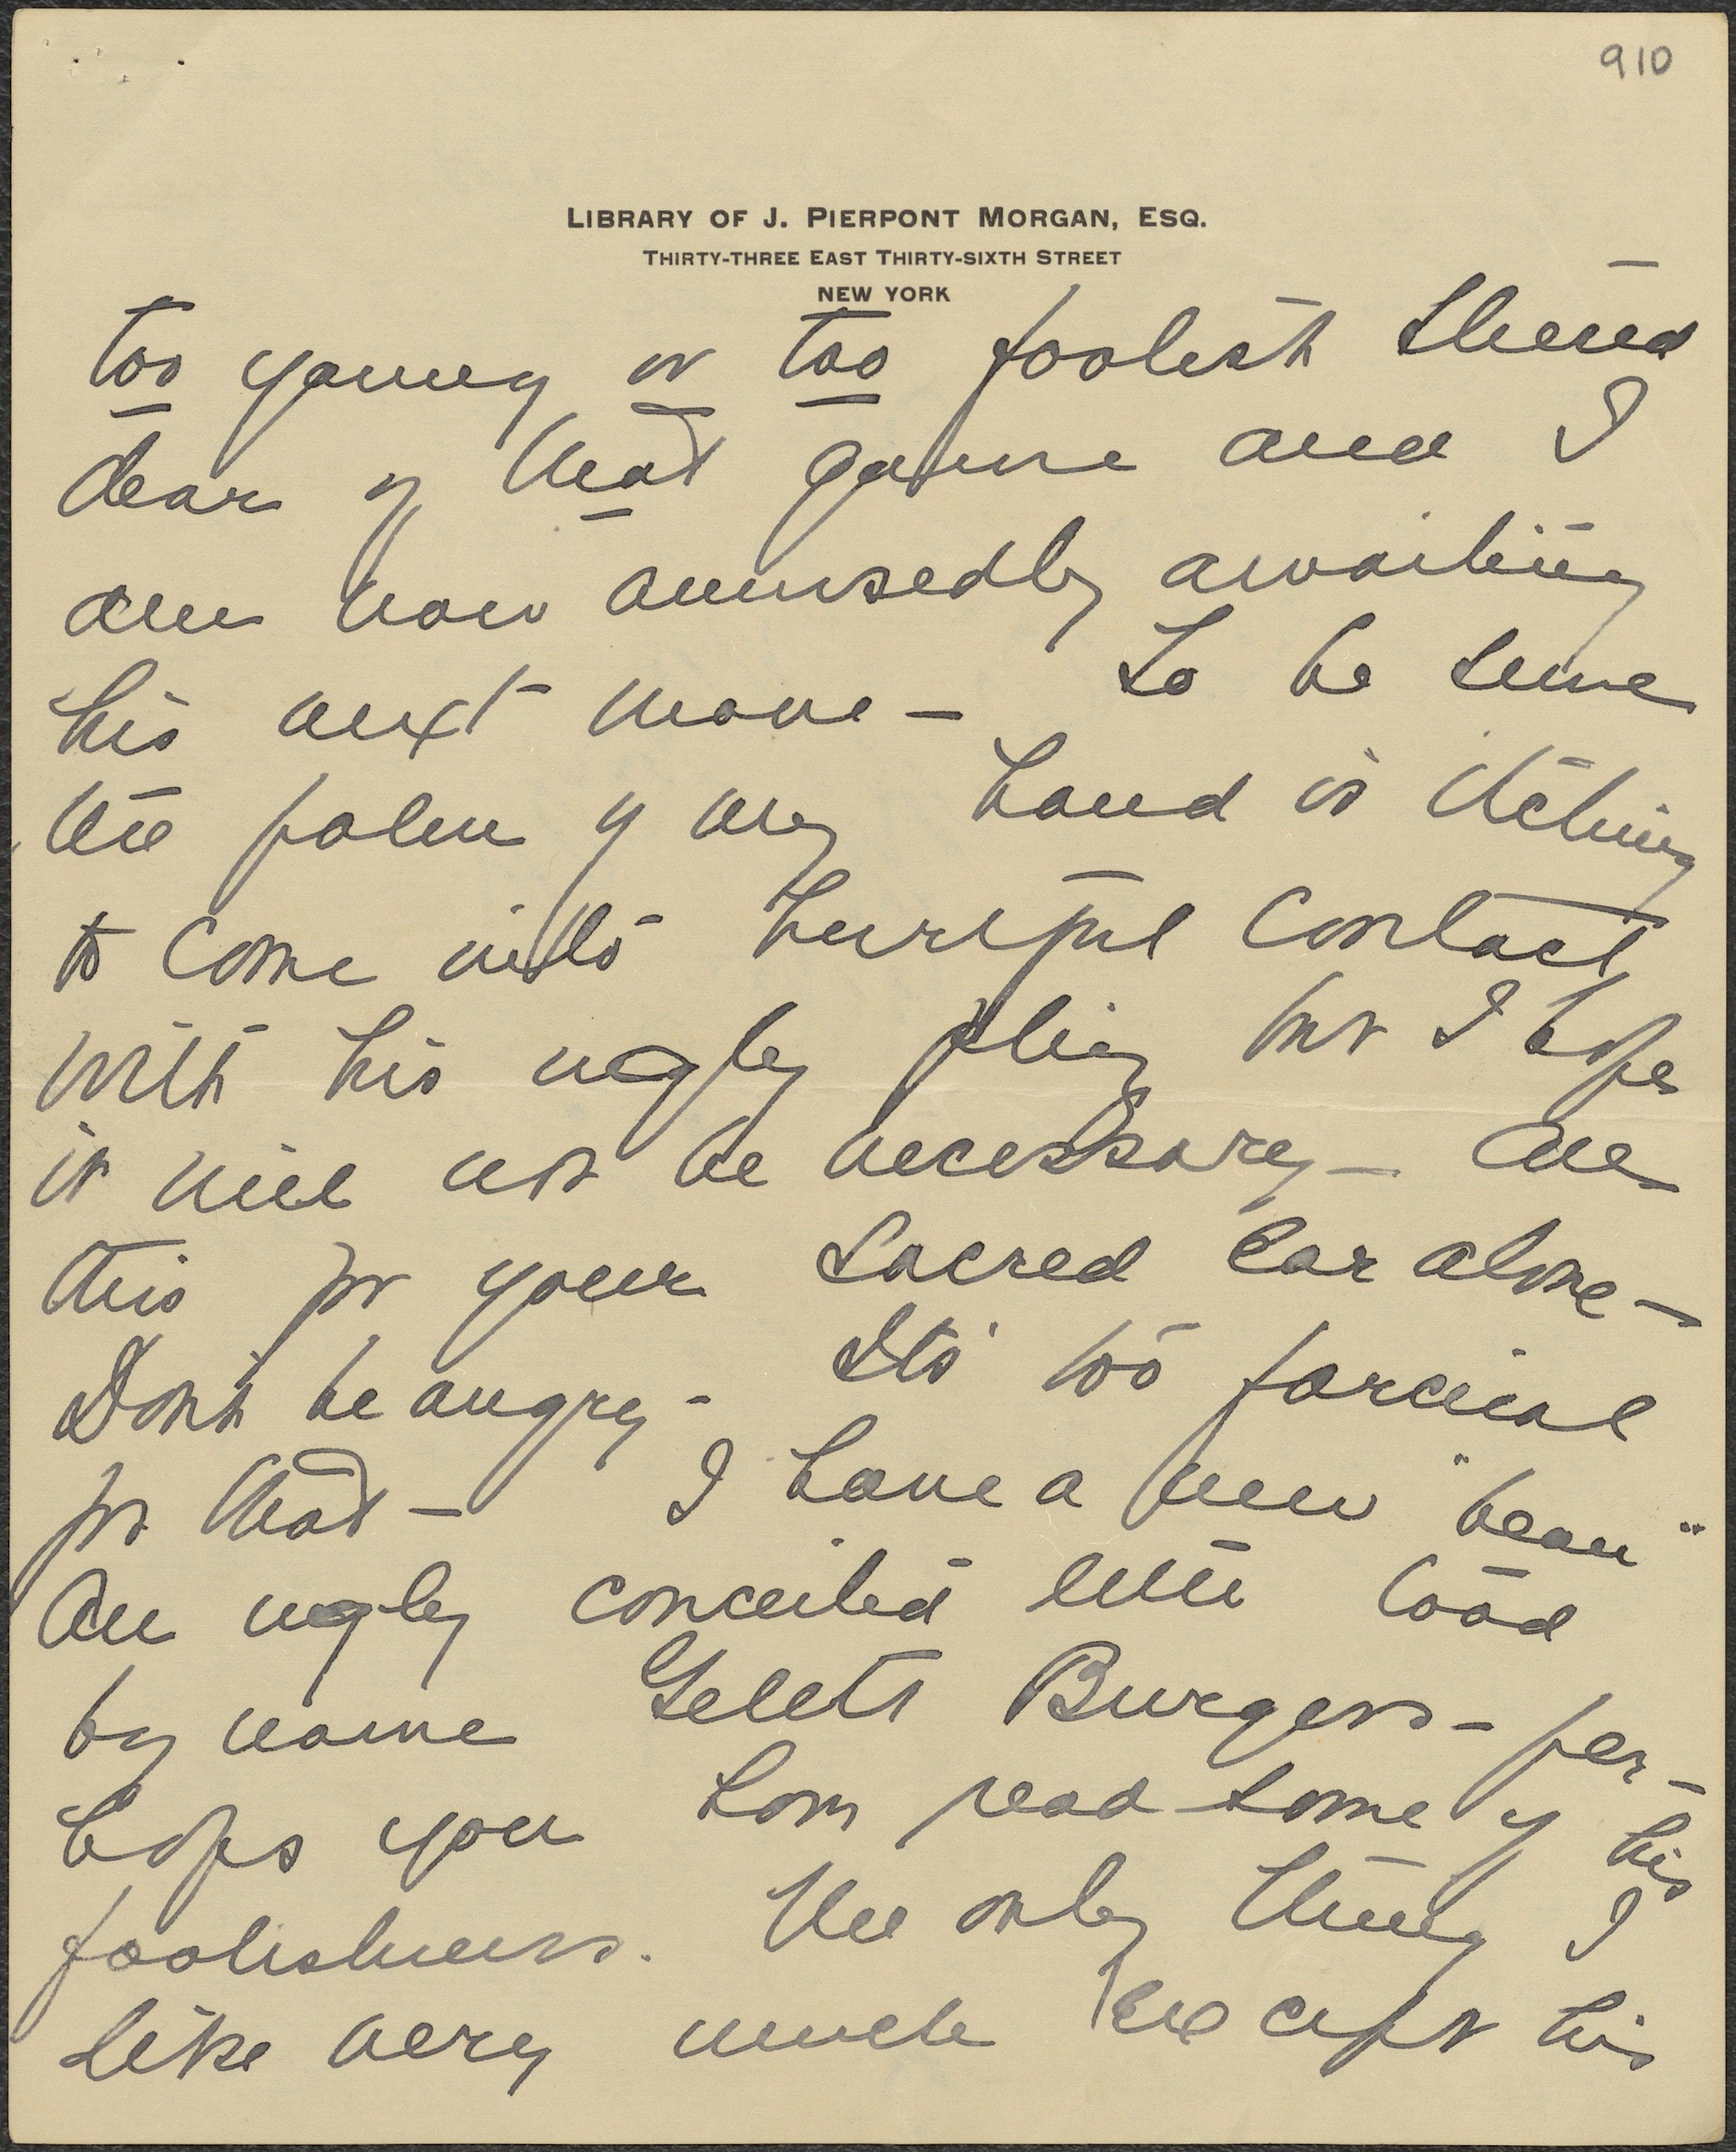too young or too foolish steered clear of that game and I am now amusedly awaiting his next move – To be sure the palm of my hand is itching to come into hurtful contact with his ugly plig but I hope it will not be necessary – All this for your sacred ear alone – Don’t be angry – It’s too farcical for that – I have a new “beau” an ugly conceited little toad by name Gellet Burgess – perhaps you have read some of his foolishness. The only thing I like very much (except his